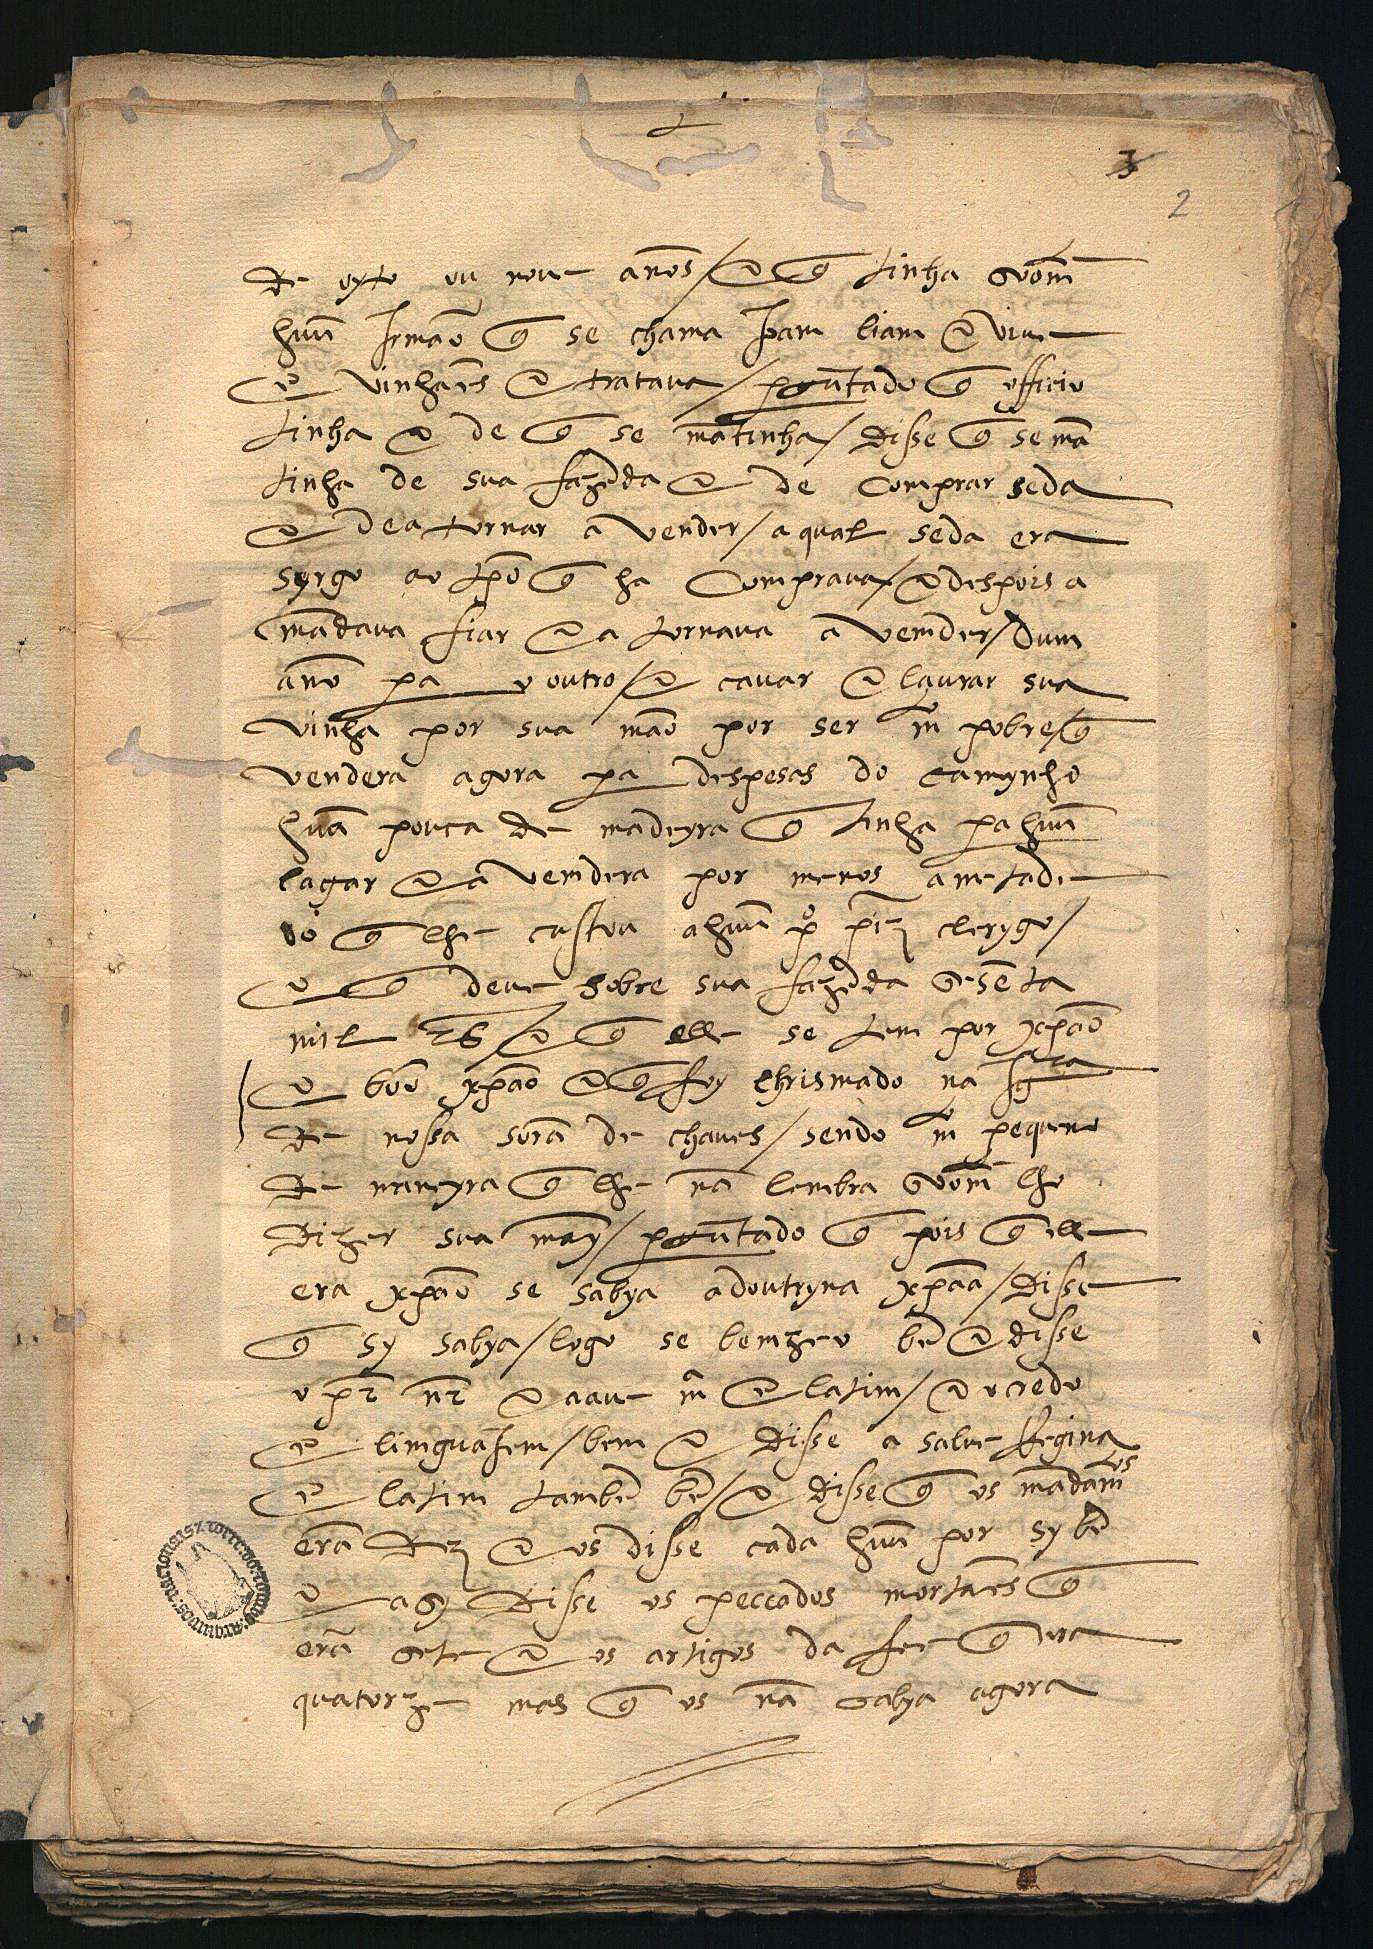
de oyto ou noue an̄os / e q̄ tinha soomte
huū Jrmão q̄ se chama Joam liam e viue
ē vinhaēs e trataua / ꝑgūtado q̄ officio
tinha e de q̄ se m̄atinha / disse q̄ se m̄a
tinha de sua fazēda e de comprar seda
e de a tornar a vender / a quaL seda era
syrgo ao tp̄o q̄ ha Comprava / e despois a
m̄adaua fiar e a tornaua a vemder / Dum
an̄o ꝑa o outro / e cauar e laurar sua
vinha por sua mão por ser mto pobre / q̄
vendera agora ꝑa despesas do camynho
huā pouca de madeyra q̄ tinha ꝑa huū
lagar e a vemdera por menos ametade
do q̄ lhe custou a huū po p̄iz clerygo /
e q̄ deue sobre sua fazēda sesēta
miL r̄s /e q̄ elle se tem por xpãao
e boō xpão e q̄ foy chrismado na Jgra
de nossa sōra de chaues / sendo mto pequeno
de maneyra q̄ lhe nā lembra soomte lho
dizer sua mãy / ꝑgūtado q̄ pois q̄ elle
era xpāo se sabya a doutryna xp̄aa / disse
q̄ sy sabya / logo se bemzeo bē e disse
o p̄r n̄r e a aue ma ē latim / e credo
ē limguaJem / bem e disse a salue Regina
ē latim tambē bē / e disse q̄ os m̄adamtos
er̄a dez e os disse cada hūu por sy bē
e asy Disse os peccados mortāes q̄
erā sete e os artigos da fee q̄ era
quatorze mas q̄ os nā sabya agora
